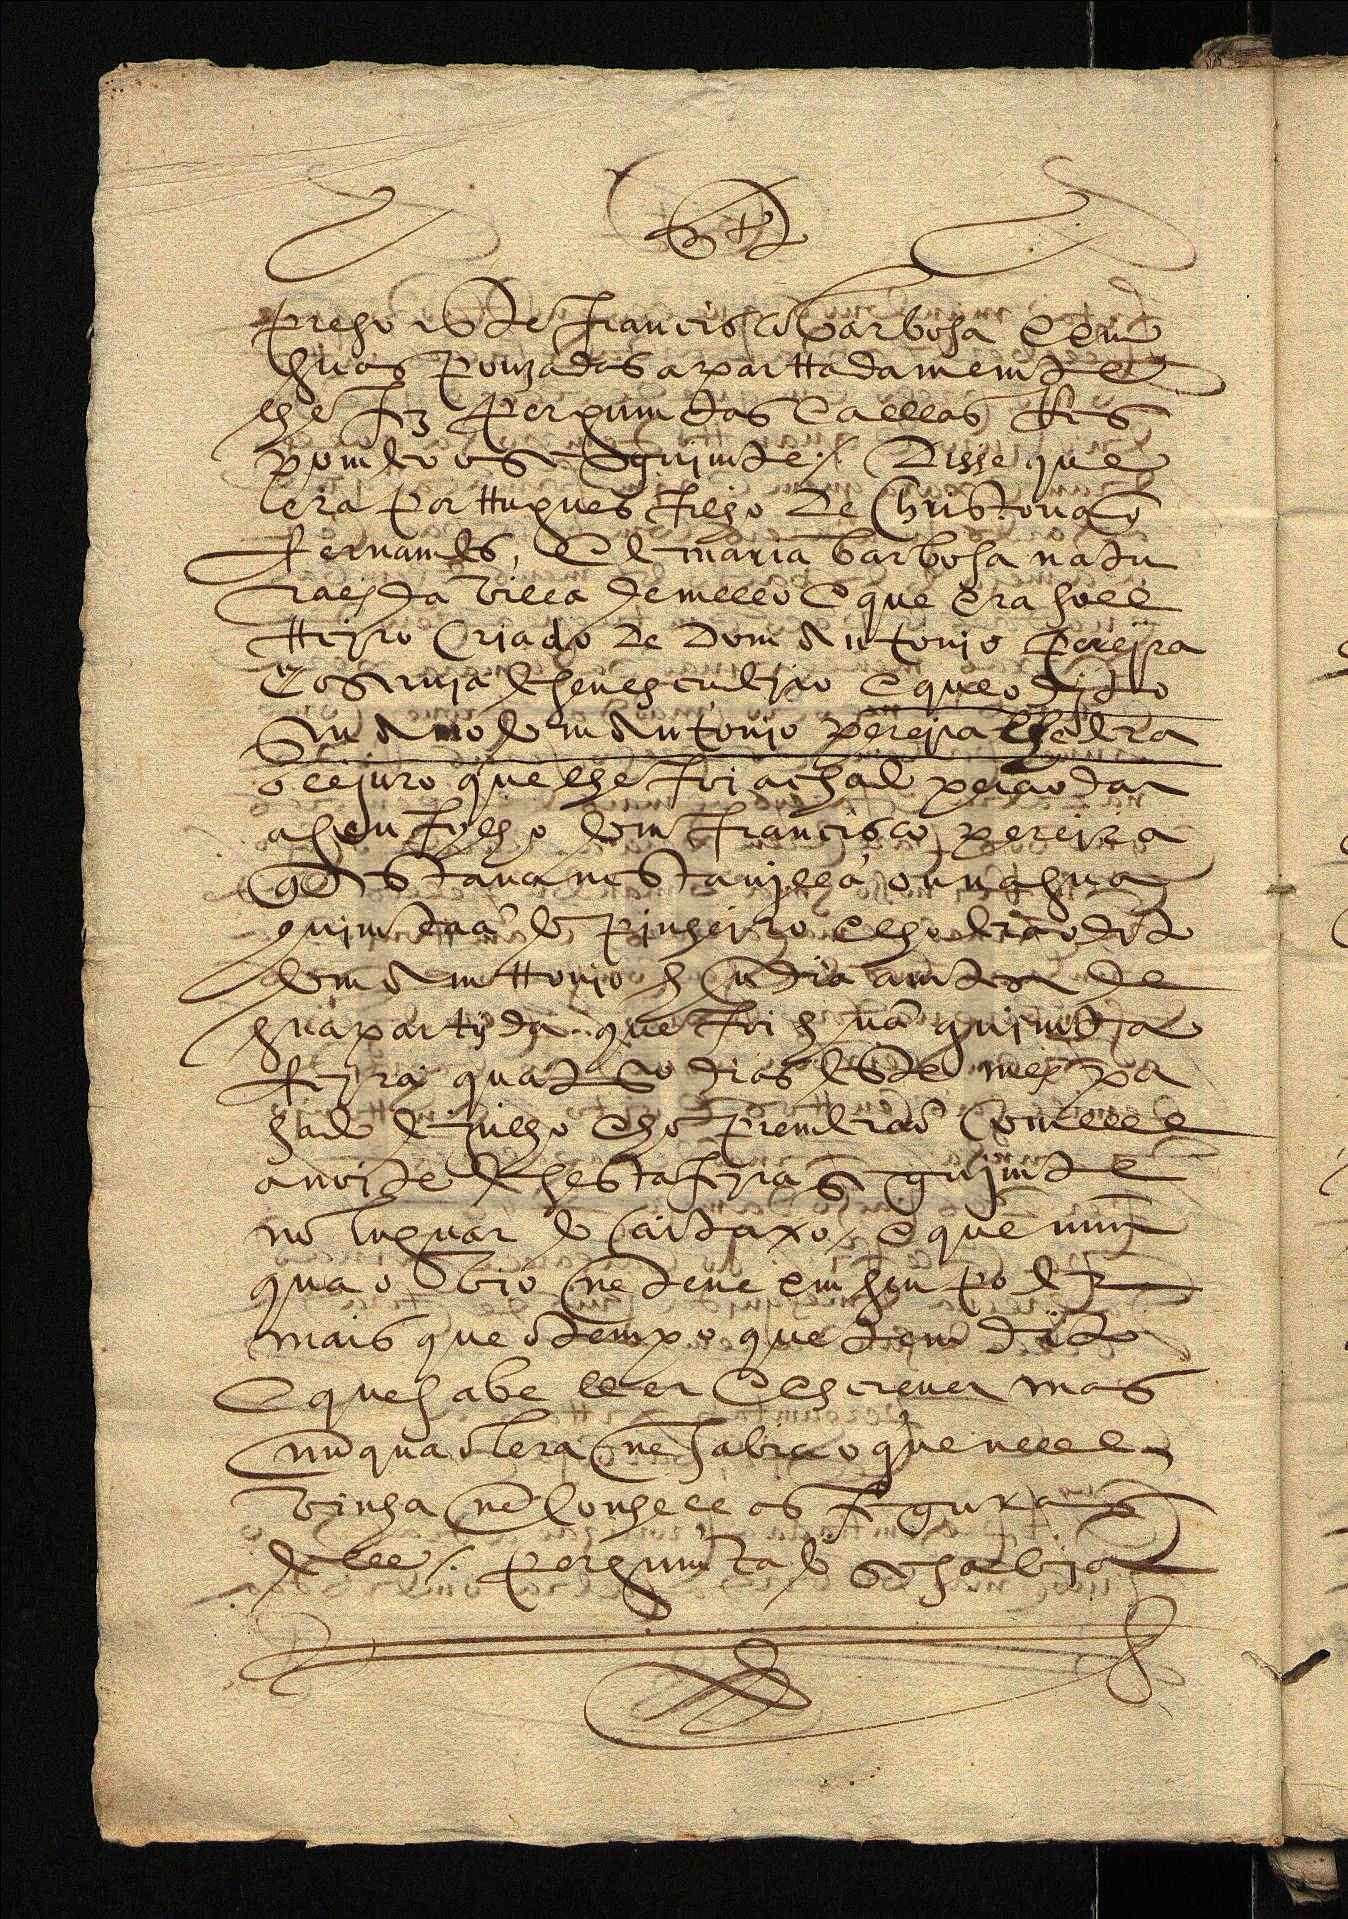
preso este francisco barbosa e em
suas pouzadas aparttadamemte
lhe fez pergumtas e a ellas Res
pomdeo o segujmte ./. Disse que
era porttugues filho De Christouaõ
fernamdes, e de maria barbosa natu
raes da villa de mello e que era soll
ttejro Criado De Dom Antonio Perejra
E o seruja de seu esçudejro e que o djto
Seu Amo dom Antonjo perejra lhe dera
o lljuro que lhe foi achado pera o dar
a seu fylho dom francisco perejra
q̄ estaua nesta ujlla ou na sua
quimtaā do pjnheiro e lho dera o dito
dom Amttonjo hū dia amtes de
sua partyda que foi huā qujmta
fejra quatro dias deste mes pa
sado de Julho e ho prenderaõ Com elle
a noite de sesta fejra segujmte
no luguar do Cartaxo / e que nun
qua o vio nē teue em seu poder
mais que o tempo que tem dito
e que sabe ller e escreuer mas
nūqua o lera n̄e Sabia o que nelle
vinha n̄e Conheçe as feguras
delle /. pergumtado se sabia
